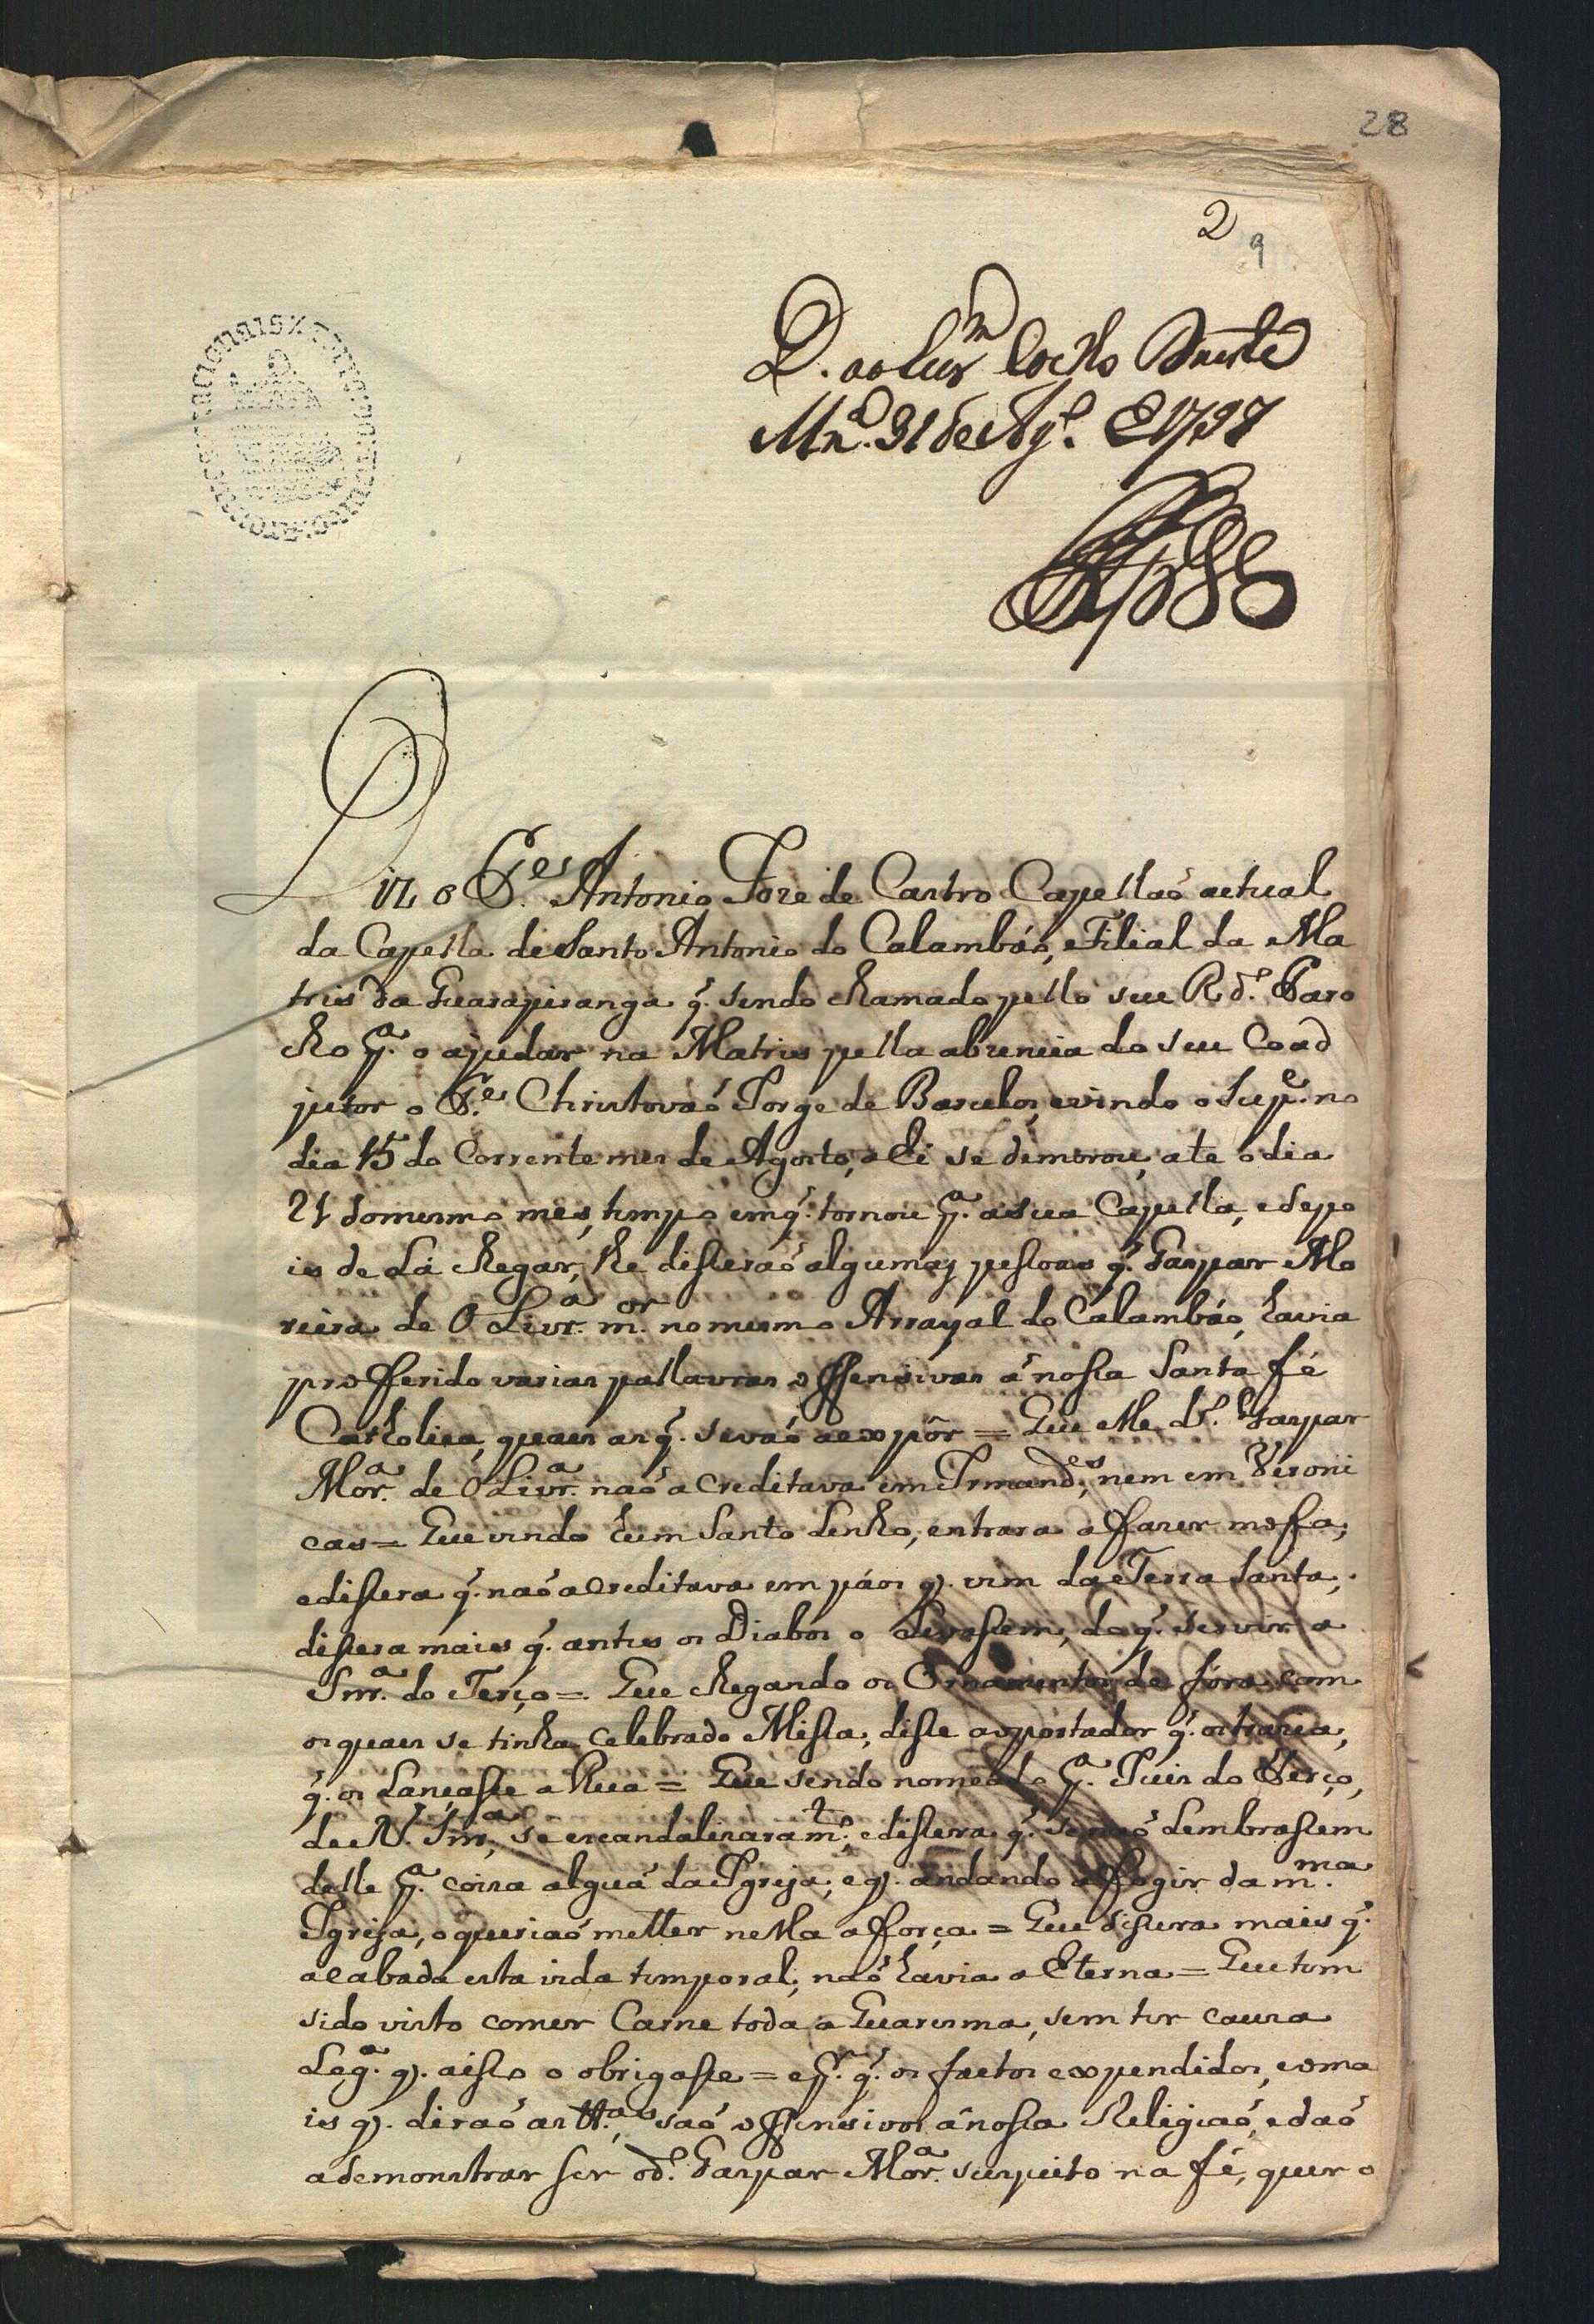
D. ao Escr.m Coelho Duarte
Mn.a 31 de Ag.o E 1797
Diz o P.e Antonio Ioze de Castro Capellaõ actual
da Capella de Santo Antonio do Calambaõ, e Filial da Ma
tris da Guarapiranga q̄ sendo chamado pello seu Rd.o Paro
cho p.a o ajudar na Matris pella abzencia do seu Coad
jutor o P.e Christovaõ Iorge de Barcelos, e vindo o Sup.e no
dia 15 do Corrente mes de Agosto, ahi se demorou, ate o dia
21 do mesmo mes, tempo em q̄ tornou p.a a sua Capella, e depo
is de Lá chegar, lhe disseraõ algumas pessoas q̄ Gaspar Mo
reira de OLivr.a m.or no mesmo Arrayal do Calambáo, havia
proferido varias pallavras offensivas á nossa Santa fé
Catholica, quaes as q̄ se vaõ a expôr= Que elle d.o Gaspar
Mor.a de OLivr.a naõ acreditava em Irmand.es, nem em Veroni
cas= Que vendo hum Santo Lenho, entrara a fazer mofa;
e disera q̄ naõ acreditava em páos q̄ vem da Terra Santa;
dissera mais q̄ antes os Diabos o Levassem, do q̄ servir a
Snr.a do Terço= Que chegando os Ornamentos de fóra com
os quaes se tinha celebrado Missa, disse ao portador q̄ os trazia,
q̄ os Lançasse a Rua= Que sendo nomeado p.a Iuis do Terço,
de N. Snra; se escandalizara m.to, e disera q̄ se naõ Lembrassem
delle p.a coisa alguā da Igreja; e q. andando a fogir da m.ma
Igreja, o queriaõ metter nella a força= Que dissera mais q̄
acabada esta vida temporal; naõ havia a Eterna= Que tem
sido visto comer Carne toda a Quaresma, sem ter cauza
Leg.a q̄ a isso o obrigasse= e p.r q̄ os factos expendidos, e o ma
is q̄ diraõ as tt.as, saõ offensivos á nossa Religiaõ, e daõ
a demonstrar ser o d.o Gaspar Mor.a suspeito na fé, quer o
